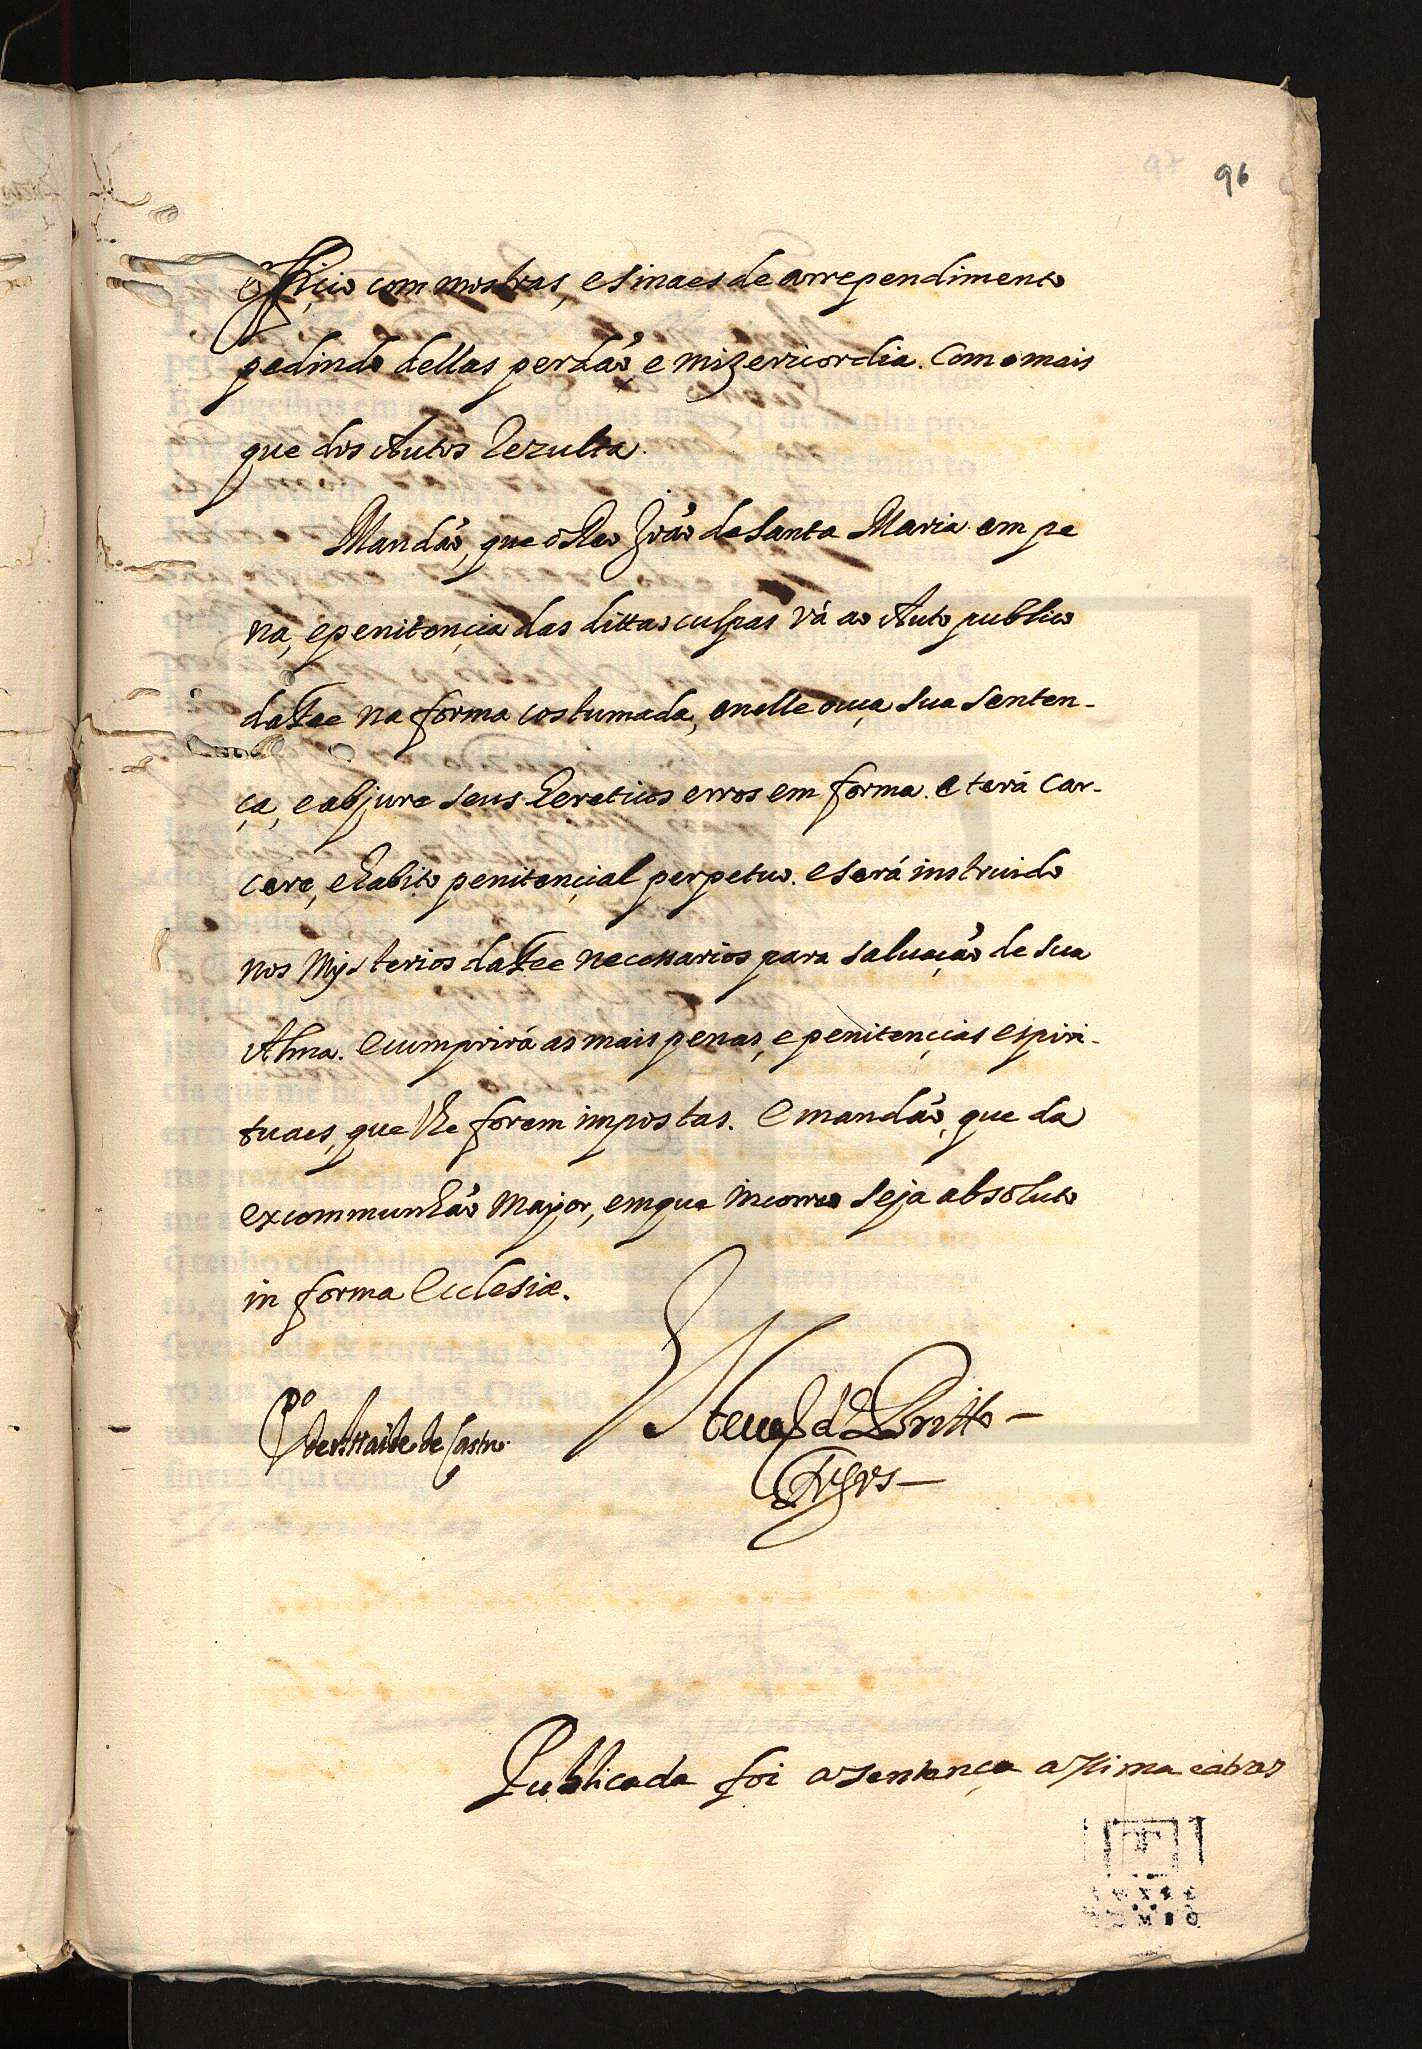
Offiçio com mostras, e sinaes de arrependimento
pedindo dellas perdaõ, e mizericordia com o mais
que dos Autos Rezulta.
Mandaõ, que o Reo Joaõ de Santa Maria em pe
na, e penitençia das dittas culpas vá ao Auto publico
da Fee na forma costumada, e nelle ouça sua senten
ça, e abjure seus hereticos erros em forma e terá car
cere, e habito penitençial perpetuo. e será instruido
nos Mysterios da Fee necessarios para saluaçaõ de sua
Alma. E cumprirá as mais penas, e penitençias espiri
tuaes, que lhe forem impostas. E mandaõ, que da
excommunhaõ mayor, em que incorreo seja absoluto
in forma Ecclesiæ.
Publicada foi a sentença assima e atras
